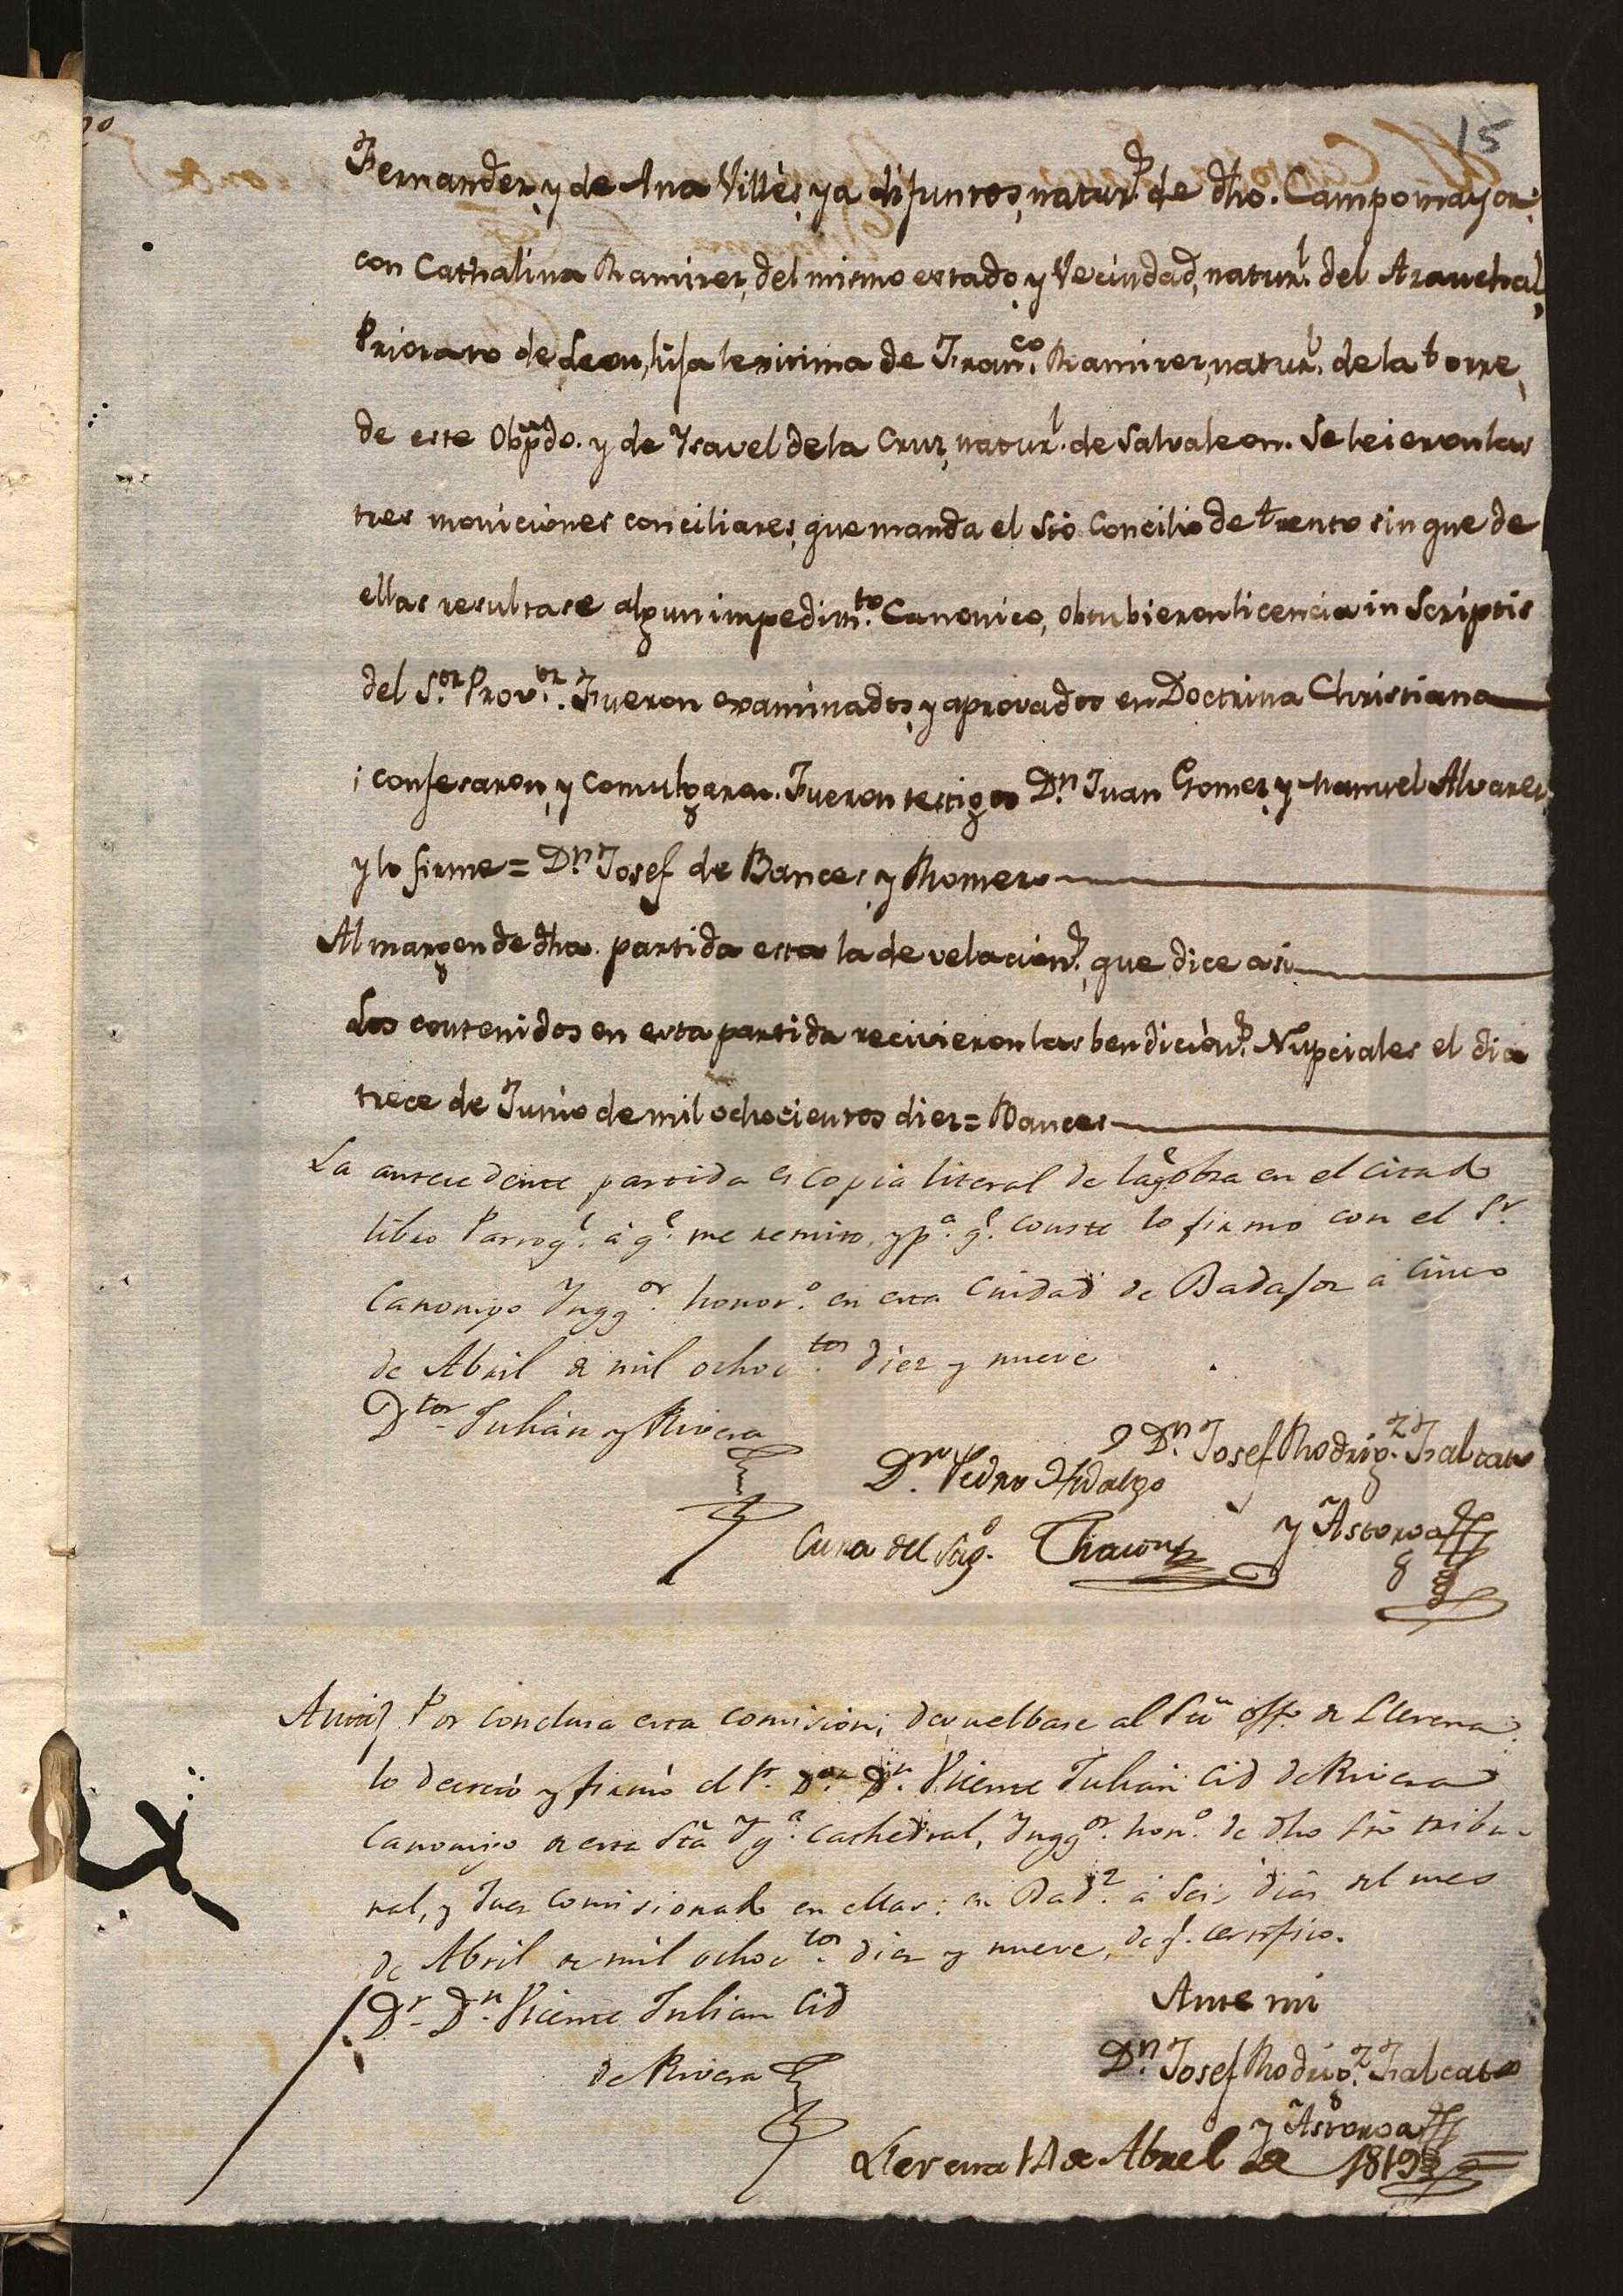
Fernandez, y de Ana Villés, ya difuntos, natur.s de dho. Campo mayor
con Cathalina Ramirez, del mismo estado, y Veciudad, natur.l del Azauchal,
Priorato de Leon, hija lexitima de Fran.co Ramirez, naturl, de la torre,
de este Obp̄do. y de Isavel dela Cruz, naturl. de Salvaleon. Se heieron las
tres moniciones conciliares, que manda el Stō Concilio de Trento sin que de
ellas resultase algun impedim.to Canonico, obtubieron licencia in Scriptis
del S.or Prov.or. Fueron examinados, y aprovados en Doctrina Christiana
i confesaron, y comulgaron. Fueron testigos D.n Iuan Gomez, y Manuel Alvarez
y lo firme = D.n Iosef de Bances, y Romero
Al margen de dha. partida esta la de velacion.s que dice asi
Los contenidos en esta partida recivieron las bendición.s Nupciales el dia
trece de Iunio de mil ochocientos diez = Bances
La antecedente partida es copia literal de la q.e obra en el citado
libro Parroq.l à qe. me remito, y p.a q.e conste lo firmo con el S.r
Canonigo Ynqq.or honor.o en esta Ciudad de Badajoz a cinco
de Abril de mil ochoc.tos diez y nueve
Dtor. Iulian y Rivera
D.n Iosef Rodrig.z Falcato
D.n Pedro Hidalgo
y Astorga
Cura del Sag.o
Chacon
Auta
Por conclusa esta comision, devuelbase al Stō off.o de Llerena
lo decretó y firmó el Sr. D.or D.n Vicente Iulian Cid de Rivera
Canonigo de esta Stā Yg.a Cathedral, Inqq.or hon.o de dho Stō tribu
nal, y Iuez Comisionado en ellas: en Bad.z a seis dias del mes
de Abril de mil ochoc.tos diez y nueve, de q.e certifico.
Ante mi
D.r D.n Vicente Iulian Cid
de Rivera
D.n Iosef Rodrig.z Falcato
y Astorga
Llerena 14 de Abril de 1819
